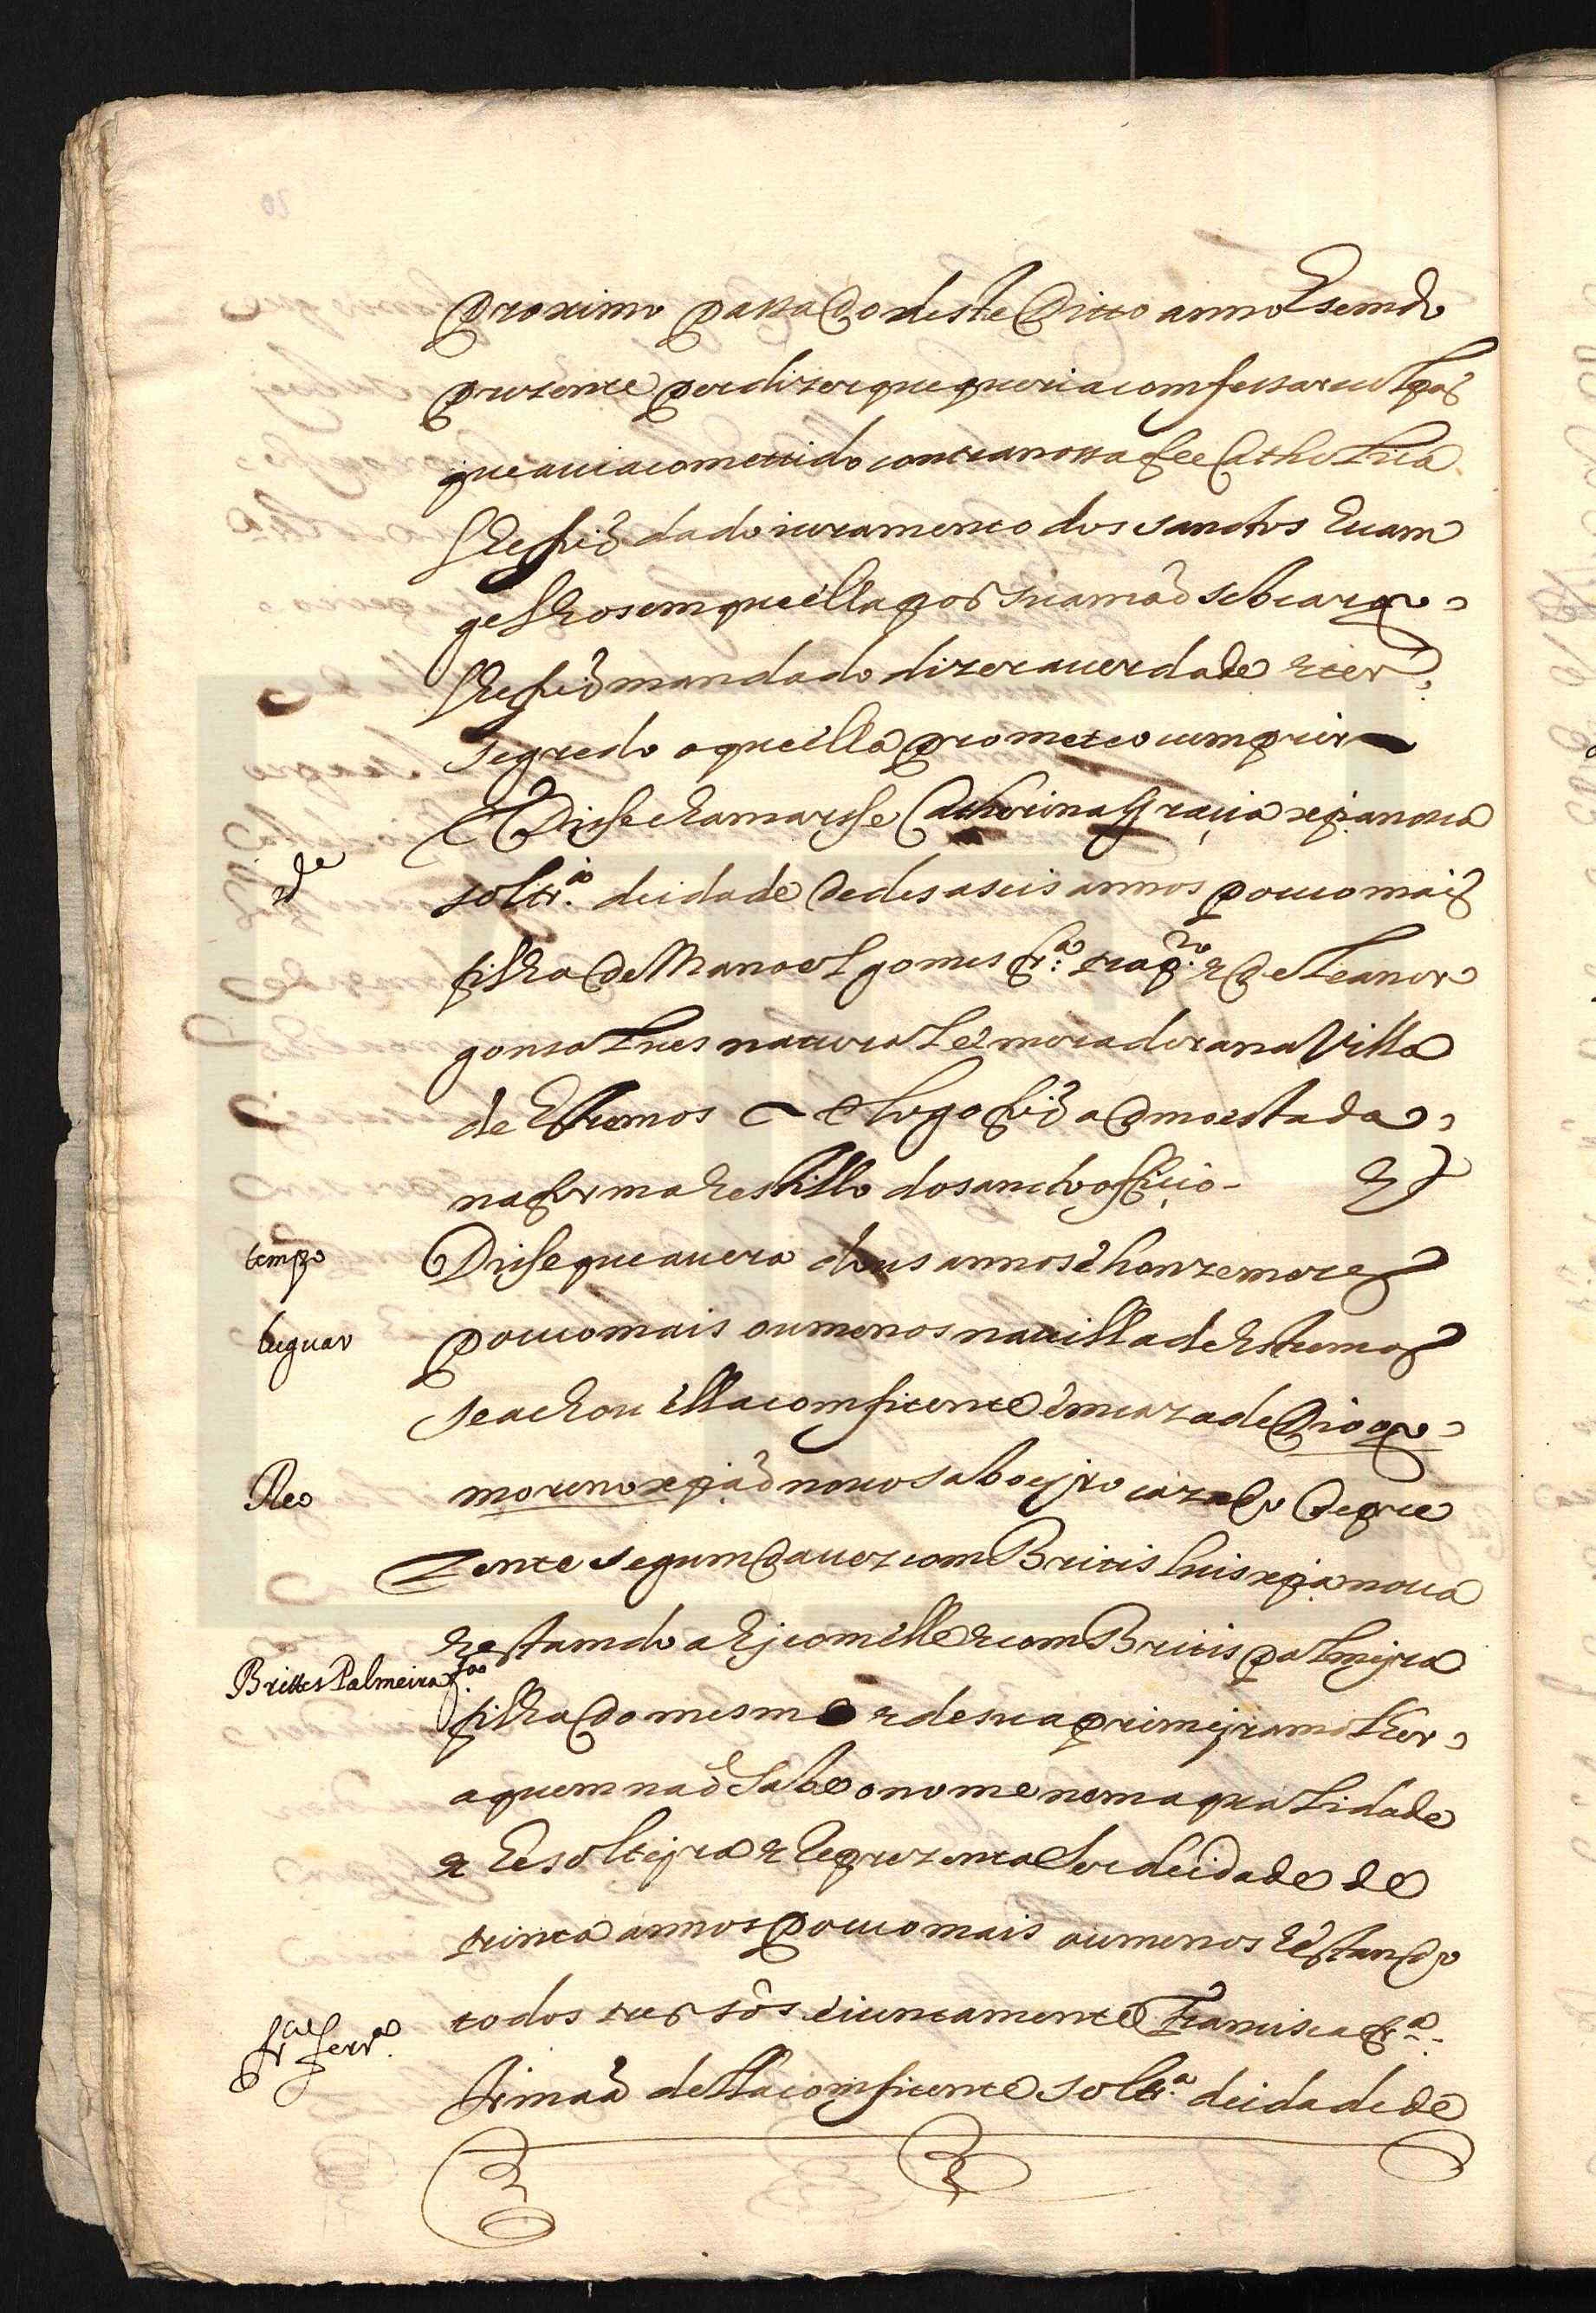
proximo passado deste ditto anno E sendo
prezente por dizer que queria comfessar culpas
que auia comettido contra nossa fee Catholica
lhe foi dado iuramento dos sanctos Euam
gelhos em que ella pos sua maõ sob cargo
lhe foi mandado dizer a uerdade E ter
segredo o que ella prometeo cumprir
E Disse chamarse Catherina Gracia xpa noua
soltr.a de idade de desaseis annos pouco mais
filha de Manoel gomes fr.a trap.ro E de Leanor
gonsalues natural e moradora na Villa
de Estremos e logo foi admoestada
na forma E estillo do sancto officio. E
Disse que auera dous annos e honze mezes
tempo
pouco mais ou menos na uilla de Estremos
luguar
se achou ella comfitente em caza de Diogo
moreno xpaõ nouo saboejro cazado de pre
Reo
zente segumda uez com Britis Luis xpa noua
E estamdo ahj com elle E com Britis palmejra
Brittes Palmeira f.a
filha do mesmo E de sua primejra molher
a quem naõ sabe o nome nem a qualidade
E he soltejra E Reprezenta Ser de idade de
trinta annos pouco mais ou menos E estando
todos tres sós e iuntamente Francisca fr.a
frca ferr.a
Jrmaā della comfitente soltr.a de idade de
